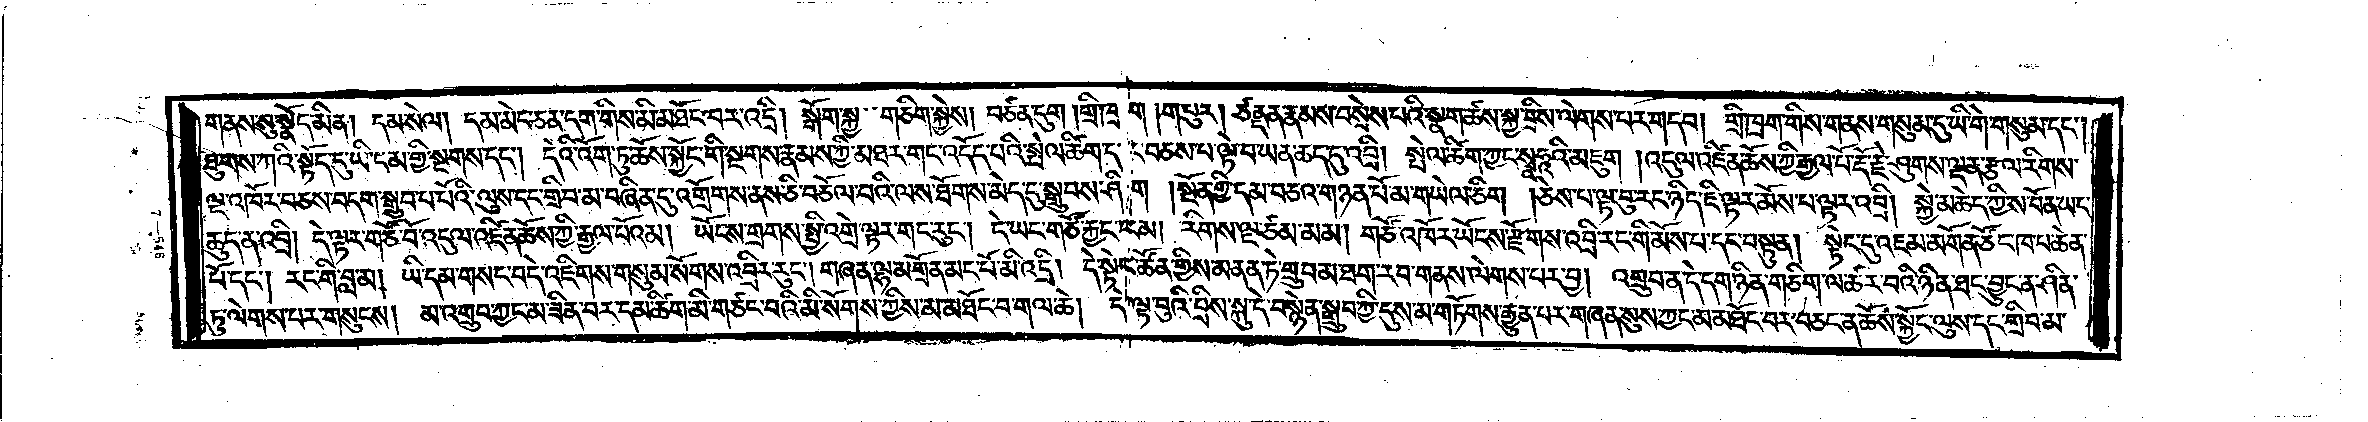གནས་སུ་སྣོད་མིན། དམ་སེལ། དམ་མེད་ཅན་དག་གིས་མི་མཐོང་བར་འདྲི། སྒོག་སྐྱ་གཅིག་སྐྱེས། བཙན་དུག །གྲི་ཁྲག །ག་པུར། ཙནྡན་རྣམས་བསྲེས་པའི་སྣག་ཚས་སྐྱ་བྲིས་ལེགས་པར་གདབ། གྲི་ཁྲག་གིས་གནས་གསུམ་དུ་ཡི་གེ་གསུམ་དང་།
ཐུགས་ཀའི་སྟོད་དུ་ཡི་དམ་གྱི་སྔགས་དང་། དེའི་འོག་ཏུ་ཆོས་སྐྱོང་གི་སྔགས་རྣམས་ཀྱི་མཐར་གང་དོད་པའི་སྤེལ་ཚིག་དང་བཅས་པ་ལྟེ་བ་ཡན་ཆད་དུ་འབྲི། སྤེལ་ཚིག་ཀྱང་སྭཱཧཱའི་མཇུག །འདུལ་འཛིན་ཆོས་ཀྱི་རྒྱལ་པོ་རྡོ་རྗེ་ཤུགས་ལྡན་རྩལ་རིགས་
ལྔ་འཁོར་བཅས་བདག་སྒྲུབ་པ་པོའི་ལུས་དང་གྲིབ་མ་བཞིན་དུ་འགྲོགས་ནས་ཅི་བཅོལ་བའི་ལས་ཐོགས་མེད་དུ་སྒྲུབས་ཤིག །སྔོན་གྱི་དམ་བཅའ་གཉན་པོ་མ་གཡེལ་ཅིག །ཅེས་པ་ལྟ་བུར་རང་ཉིད་ཇི་ལྟར་མོས་བ་ལྟར་འབྲི། སྐྱེ་མཆེད་ཀྱི་ས་བོན་ཡང་
ཆུད་ན་འབྲི། དེ་ལྟར་གཙོ་བོ་འདུལ་འཛིན་ཆོས་ཀྱི་རྒྱལ་པོའམ། ཡོངས་གྲགས་སྤྱི་འགྲེ་ལྟར་གང་རུང་། དེ་ཡང་གཙོ་རྐྱང་ངམ། རིགས་ལྔ་ཙམ་མམ། གཙོ་འཁོར་ཡོངས་རྫོགས་འབྲི་རང་གི་མོས་པ་དང་བསྟུན། སྟེང་དུ་འཇམ་མགོན་ཙོང་ཁ་པ་ཆེན་
པོ་དང་། རང་གི་བླ་མ། ཡི་དམ་གསང་བདེ་འཇིགས་གསུམ་སོགས་འབྲིར་རུང་། གཞན་ལྷ་མགྲོན་མང་པོ་མི་འདྲི། དེ་སྟེང་ཚོན་གྱིས་མནན་ཏེ་གྲུབ་མཐག་རབ་གནས་ལེགས་པར་བྱ། འགྲུབ་ན་དེ་དག་ཉིན་གཅིག་ལ་ཚར་བའི་ཉིན་ཐང་བྱུང་ན་ཤིན་
ཏུ་ལེགས་པར་གསུངས། མ་འགྲུབ་ཀྱང་མ་ཟིན་པར་དམ་ཚིག་མི་གཙང་བའི་མི་སོགས་ཀྱིས་མ་མཐོང་བ་གལ་ཆེ། དེ་ལྟ་བུའི་བྲིས་སྐུ་དེ་བསྙེན་སྒྲུབ་ཀྱི་དུས་མ་གཏོགས་རྒྱུན་པར་གཞན་སུས་ཀྱང་མ་མཐོང་བར་བཅང་ན་ཆོས་སྐྱོང་ལུས་དང་གྲིབ་མ་